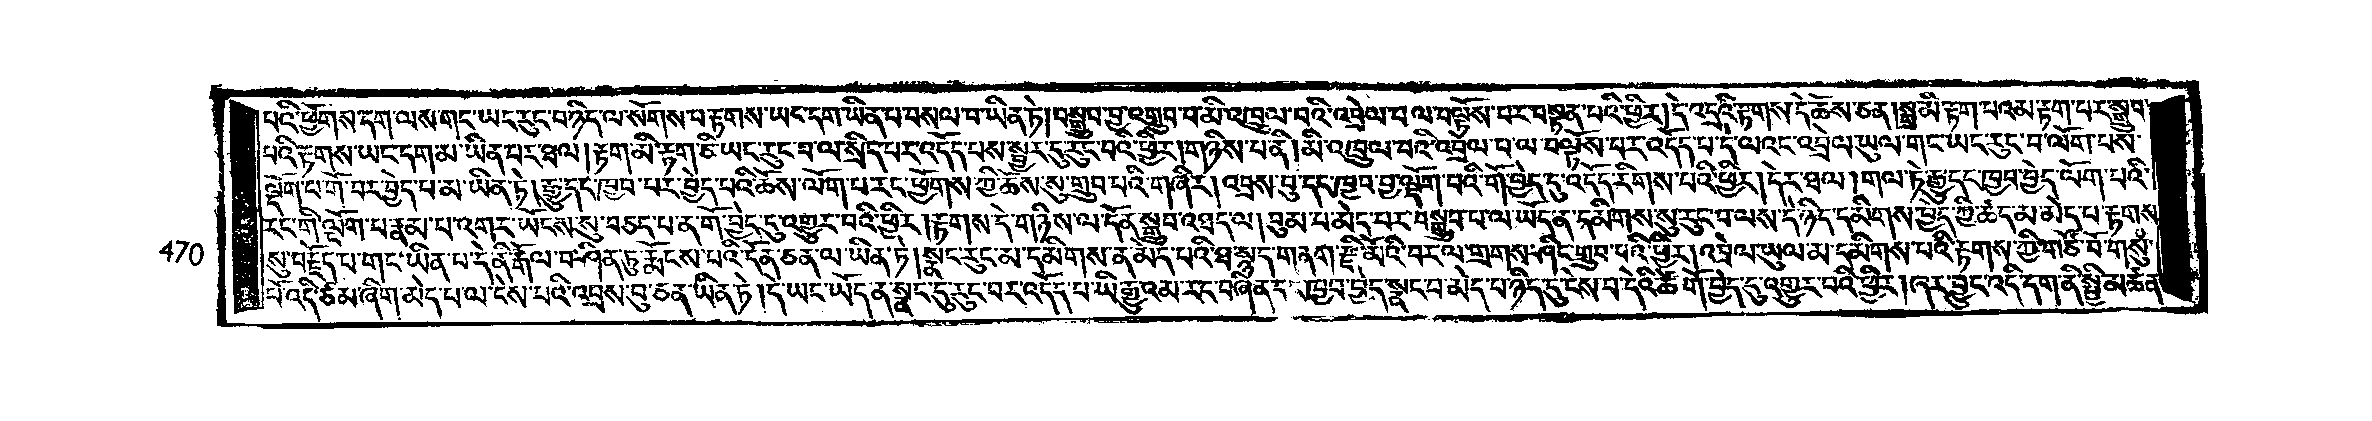པའི་ཕྱོགས་དག་ལས་གང་ཡང་རུང་བ་ཉིད་ལ་སོགས་པ་རྟགས་ཡང་དག་ཡིན་པ་བསལ་བ་ཡིན་ཏེ། བསྒྲུབ་བྱ་འགྲུབ་པ་མི་འཁྲུལ་བའི་འབྲེལ་པ་ལ་བལྟོས་པར་བསྟན་པའི་ཕྱིར། དེ་འདྲའི་རྟགས་དེ་ཆོས་ཅན། སྒྲ་མི་རྟག་པའམ་རྟག་པར་སྒྲུབ་
པའི་རྟགས་ཡང་དག་མ་ཡིན་པར་ཐལ། རྟག་མི་རྟག་ཅི་ཡང་རུང་བ་ལ་སྲིད་པར་འདོད་པས་སྦྱར་དུ་རུང་བའི་ཕྱིར། གཉིས་པ་ནི། མི་འཁྲུལ་བའི་འབྲེལ་པ་ལ་བལྟོས་པར་འདོད་པ་དེ་ལའང་འབྲེལ་ཡུལ་གང་ཡང་རུང་བ་ལོག་པས་
ལྡོག་པ་གོ་བར་བྱེད་པ་མ་ཡིན་ཏེ། རྒྱུ་དང་ཁྱབ་པར་བྱེད་པའི་ཆོས་ལོག་པ་རང་ཕྱོགས་ཀྱི་ཆོས་སུ་གྲུབ་པའི་གཞིར། འབྲས་བུ་དང་ཁྱབ་བྱ་ལྡོག་པའི་གོ་བྱེད་དུ་འདོད་རིགས་པའི་ཕྱིར། དེར་ཐལ། གལ་ཏེ་རྒྱུ་དང་ཁྱབ་བྱེད་ལོག་པའི་
རང་གི་ལྡོག་པ་རྣམ་པ་འགར་ཡོངས་སུ་བཅད་པ་ན་གོ་བྱེད་དུ་འགྱུར་བའི་ཕྱིར། རྟགས་དེ་གཉིས་ལ་དོན་སྒྲུབ་འཐད་ལ། བུམ་པ་མེད་པར་བསྒྲུབ་པ་ལ་ཡོད་ན་དམིགས་སུ་རུང་བ་ལས་དེ་ཉིད་དམིགས་བྱེད་ཀྱི་ཚད་མ་མེད་པ་རྟགས་
སུ་བརྗོད་པ་གང་ཡིན་པ་དེ་ནི་རྒོལ་བ་ཤིན་ཏུ་རྨོངས་པའི་དོན་ཅན་ལ་ཡིན་ཏེ། སྣང་རུང་མ་དམིགས་ན་མེད་པའི་ཐ་སྙད་གནག་རྫི་མོའི་བར་ལ་གྲགས་ཤིང་གྲུབ་པའི་ཕྱིར། འབྲེལ་ཡུལ་མ་དམིགས་པའི་རྟགས་ཀྱི་གཙོ་བོ་གསུམ་
པོ་འདི་ཙམ་ཞིག་མེད་པ་ལ་ངེས་པའི་འབྲས་བུ་ཅན་ཡིན་ཏེ། དེ་ཡང་ཡོད་ན་སྣང་དུ་རུང་བར་འདོད་པ་ཡི་རྒྱུ་འམ་རང་བཞིན་དང་ཁྱབ་བྱེད་སྣང་བ་མེད་པ་ཉིད་དུ་ངེས་པ་དེའི་ཚེ་གོ་བྱེད་དུ་འགྱུར་བའི་ཕྱིར། ཞར་བྱུང་འདི་དག་ནི་སྤྱི་མཚན་